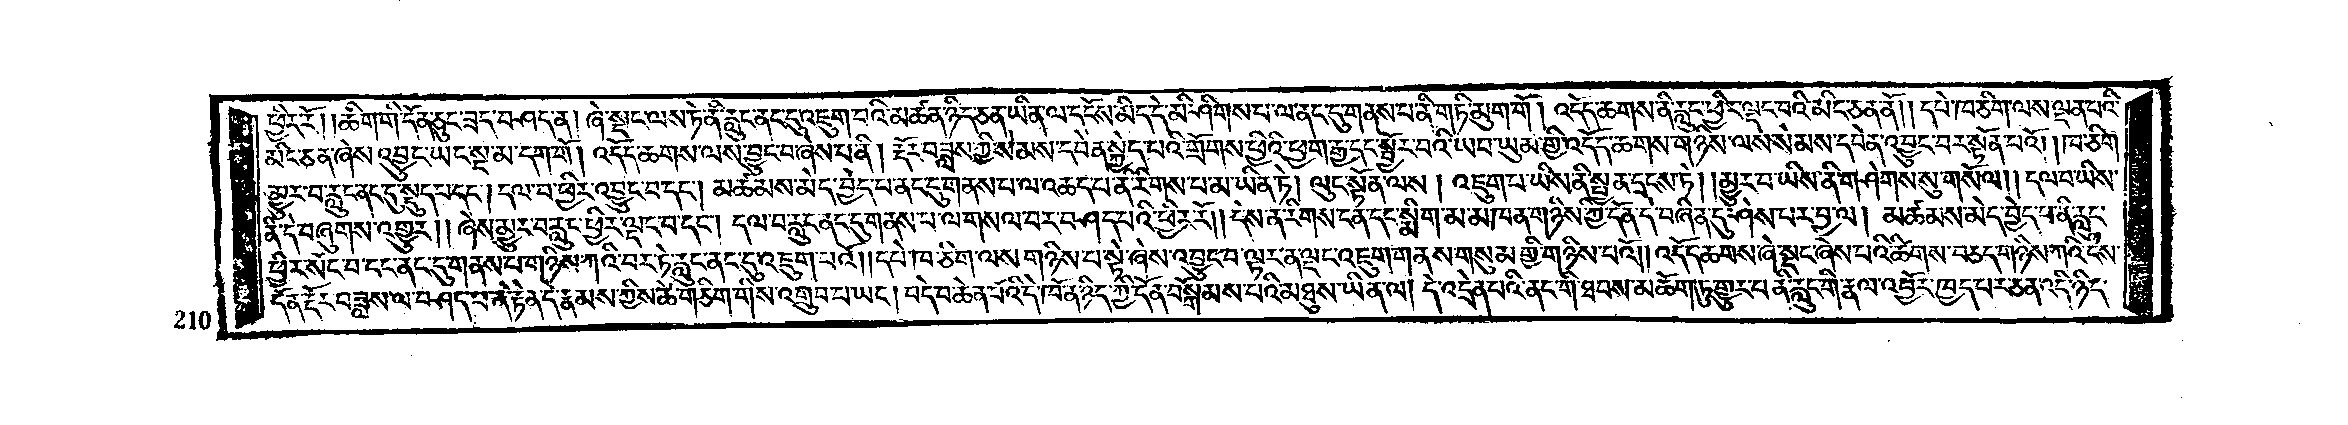ཕྱིར་རོ། །ཚིག་གི་དོན་ཅུང་ཟད་བཤད་ན། ཞེ་སྡང་ལས་ཏེ་ནི་རླུང་ནང་དུ་འཇུག་པའི་མཚན་ཉིད་ཅན་ཡིན་ལ་དངོས་མེད་དེ་མི་ཤིགས་པ་ལ་ནང་དུ་གནས་པ་ནི་གཏི་མུག་གོ །འདོད་ཆགས་ནི་རླུང་ཕྱིར་ལྡང་བའི་མིང་ཅན་ནོ། །དཔེ་ཁ་ཅིག་ལས་ལྡན་པའི་
མིང་ཅན་ཞེས་འབྱུང་ཡང་སྔ་མ་དག་གོ །འདོད་ཆགས་ལས་བྱུང་བ་ཞེས་པ་ནི། རྡོར་བཟླས་ཀྱི་སེམས་དབེན་སྐྱེད་པའི་གྲོགས་ཕྱིའི་ཕྱག་རྒྱ་དང་སྦྱོར་བའི་ཡབ་ཡུམ་གྱི་འདོད་ཆགས་གཉིས་ལས་སེམས་དབེན་འབྱུང་བར་སྟོན་པའོ། །ཁ་ཅིག་
མྱུར་བ་རླུང་ནང་དུ་སྡུད་པ་དང་། དལ་བ་ཕྱིར་འབྱུང་བ་དང་། མཚམས་མེད་བྱེད་པ་ནང་དུ་གནས་པ་ལ་འཆད་པ་ནི་རིགས་པ་མ་ཡིན་ཏེ། ལུང་སྟོན་ལས། འཇུག་པ་ཡིས་ནི་སྤྱན་དྲངས་ཏེ། །མྱུར་བ་ཡིས་ནི་གཤེགས་སུ་གསོལ། །དལ་བ་ཡིས་
ནི་དེ་བཞུགས་འགྱུར། །ཞེས་མྱུར་བ་རླུང་ཕྱིར་ལྡང་བ་དང་། དལ་བ་རླུང་ནང་དུ་གནས་པ་ལ་གསལ་བར་བཤད་པའི་ཕྱིར་རོ། །དེས་ན་རིགས་ངན་དང་སྨིག་མ་མཁན་གཉིས་ཀྱི་དོན་དེ་བཞིན་དུ་ཤེས་པར་བྱ་ལ། མཚམས་མེད་བྱེད་པ་ནི་རླུང་
ཕྱིར་སོང་བ་དང་ནང་དུ་གནས་པ་གཉིས་ཀའི་བར་ཏེ་རླུང་ནང་དུ་འཇུག་པའོ། །དཔེ་ཁ་ཅིག་ལས་གཉིས་པ་སྟེ་ཞེས་འབྱུང་བ་ལྟར་ན་ལྡང་འཇུག་གནས་གསུམ་གྱི་གཉིས་པའོ། །འདོད་ཆགས་ཞེ་སྡང་ཞེས་པའི་ཚིགས་བཅད་གཉིས་ཀའི་ངེས་
དོན་རྡོར་བཟླས་ལ་བཤད་པ་ནི་རྟེན་དེ་རྣམས་ཀྱིས་ཚེ་གཅིག་གིས་འགྲུབ་པ་ཡང་། བདེ་བ་ཆེན་པོའི་དེ་ཁོ་ན་ཉིད་ཀྱི་དོན་བསྒོམས་པའི་མཐུས་ཡིན་ལ། དེ་འདྲེན་པའི་ནང་གི་ཐབས་མཆོག་ཏུ་གྱུར་པ་ནི་རླུང་གི་རྣལ་འབྱོར་ཁྱད་པར་ཅན་འདི་ཉིད་